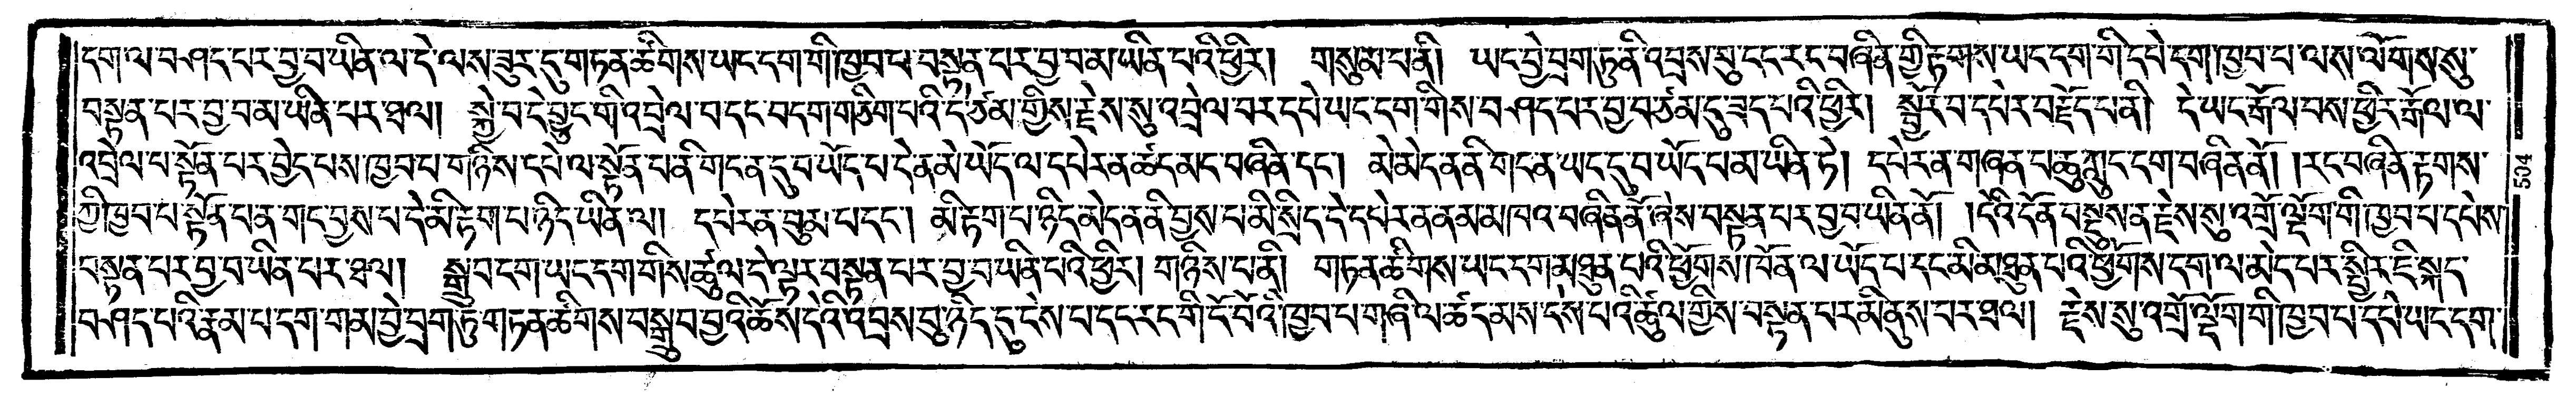དག་ལ་བཤད་པར་བྱ་བ་ཡིན་ལ་དེ་ལས་ཟུར་དུ་གཏན་ཚིགས་ཡང་དག་གི་ཁྱབ་པ་བསྟན་པར་བྱ་བ་མ་ཡིན་པའི་ཕྱིར། གསུམ་པ་ནི། ཡང་བྱེ་བྲག་ཏུ་ནི་འབྲས་བུ་དང་རང་བཞིན་གྱི་རྟགས་ཡང་དག་གི་དཔེ་དག་ཁྱབ་པ་ལས་ལོགས་སུ་
བསྟན་པར་བྱ་བ་མ་ཡིན་པར་ཐལ། སྐྱེ་བ་དེ་བྱུང་གི་འབྲེལ་བ་དང་བདག་གཅིག་པའི་དེ་ཙམ་གྱིས་རྗེས་སུ་འབྲེལ་བར་དཔེ་ཡང་དག་གིས་བཤད་པར་བྱ་བ་ཙམ་དུ་ཟད་པའི་ཕྱིར། སྦྱོར་བ་དཔེར་བརྗོད་པ་ནི། དེ་ཡང་རྒོལ་བས་ཕྱིར་རྒོལ་ལ་
འབྲེལ་པ་སྟོན་པར་བྱེད་པས་ཁྱབ་པ་གཉིས་དཔེ་ལ་སྟོན་པ་ནི་གང་ན་དུ་བ་ཡོད་པ་དེ་ན་མེ་ཡོད་ལ་དཔེར་ན་ཚད་མང་བཞིན་དང་། མེ་མེད་ན་ནི་གང་ན་ཡང་དུ་བ་ཡོད་པ་མ་ཡིན་ཏེ། དཔེར་ན་གཞན་པ་ཆུ་ཀླུང་དག་བཞིན་ནོ། །རང་བཞིན་རྟགས་
ཀྱི་ཁྱབ་པ་སྟོན་པ་ན་གང་བྱས་པ་དེ་མི་རྟག་པ་ཉིད་ཡིན་ལ། དཔེར་ན་བུམ་པ་དང་། མི་རྟག་པ་ཉིད་མེད་ན་ནི་བྱས་པ་མི་སྲིད་དེ་དཔེར་ན་ནམ་མཁའ་བཞིན་ནོ་ཞེས་བསྟན་པར་བྱ་བ་ཡིན་ནོ། །དེའི་དོན་བསྡུས་ན་རྗེས་སུ་འགྲོ་ལྡོག་གི་ཁྱབ་པ་དཔེས་
བསྟན་པར་བྱ་བ་ཡིན་པར་ཐལ། སྒྲུབ་ངག་ཡང་དག་གིས་ཚུལ་དེ་ལྟར་བསྟན་པར་བྱ་བ་ཡིན་པའི་ཕྱིར། གཉིས་པ་ནི། གཏན་ཚིགས་ཡང་དག་མཐུན་པའི་ཕྱོགས་ཁོ་ན་ལ་ཡོད་པ་དང་མི་མཐུན་པའི་ཕྱོགས་དག་ལ་མེད་པར་སྤྱིར་ཇི་སྐད་
བཤད་པའི་རྣམ་པ་དག་གམ་བྱེ་བྲག་ཏུ་གཏན་ཚིགས་བསྒྲུབ་བྱའི་ཆོས་དེའི་འབྲས་བུ་ཉིད་དུ་ངེས་པ་དང་རང་གི་ངོ་བོའི་ཁྱབ་པ་གཞི་ལ་ཚད་མས་ངེས་པའི་ཚུལ་གྱིས་བསྟན་པར་མི་ནུས་པར་ཐལ། རྗེས་སུ་འགྲོ་ལྡོག་གི་ཁྱབ་པ་དཔེ་ཡང་དག་